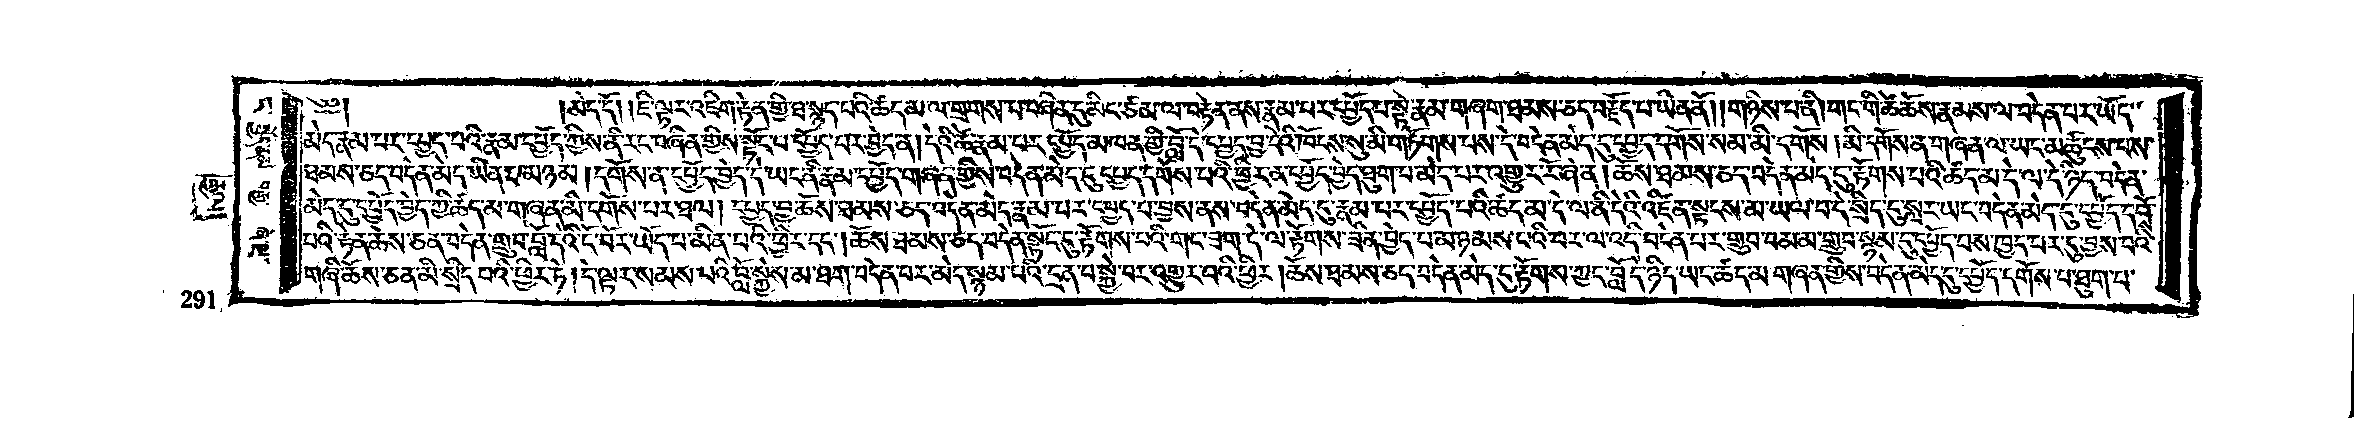༄༅། །མེད་དོ། །ཇི་ལྟར་འཇིག་རྟེན་གྱི་ཐ་སྙད་པའི་ཚད་མ་ལ་གྲགས་པ་བཞིན་དུ་མིང་ཙམ་ལ་བརྟེན་ནས་རྣམ་པར་དཔྱོད་པ་སྟེ་རྣམ་གཞག་ཐམས་ཅད་བརྗོད་པ་ཡིན་ནོ། །གཉིས་པ་ནི། གང་གི་ཚེ་ཆོས་རྣམས་ལ་བདེན་པར་ཡོད་
མེད་རྣམ་པར་དཔྱོད་པའི་རྣམ་དཔྱོད་ཀྱིས་ནི་རང་བཞིན་གྱིས་སྟོང་པ་དཔྱོད་པར་བྱེད་ན། དེའི་ཚེ་རྣམ་པར་དཔྱོད་མཁན་གྱི་བློ་དེ་དཔྱད་བྱ་དེའི་ཁོངས་སུ་མི་གཏོགས་པས་དེ་བདེན་མེད་དུ་དཔྱད་དགོས་སམ་མི་དགོས། མི་དགོས་ན་གཞན་ལ་ཡང་མཚུངས་པས་
ཐམས་ཅད་བདེན་མེད་ཡིན་པ་མཉམ། དགོས་ན་དཔྱོད་བྱེད་དེ་ཡང་ནི་རྣམ་དཔྱོད་གཞན་གྱིས་བདེན་མེད་དུ་དཔྱད་དགོས་པའི་ཕྱིར་ན་དཔྱོད་བྱེད་ཐུག་པ་མེད་པར་འགྱུར་རོ་ཞེ་ན། ཆོས་ཐམས་ཅད་བདེན་མེད་དུ་རྟོགས་པའི་ཚད་མ་དེ་ལ་དེ་ཉིད་བདེན་
མེད་དུ་དཔྱོད་བྱེད་ཀྱི་ཚད་མ་གཞན་མི་དགོས་པར་ཐལ། དཔྱད་བྱ་ཆོས་ཐམས་ཅད་བདེན་མེད་རྣམ་པར་དཔྱད་པ་བྱས་ནས་བདེན་མེད་དུ་རྣམ་པར་དཔྱོད་པའི་ཚད་མ་དེ་ལ་ནི་དེའི་འཛིན་སྟངས་མ་ཡལ་བ་དེ་སྲིད་དུ་སླར་ཡང་བདེན་མེད་དུ་དཔྱོད་དགོས་
པའི་རྟེན་ཆོས་ཅན་བདེན་གྲུབ་བློ་དེའི་ངོ་བོར་ཡོད་པ་མིན་པའི་ཕྱིར། ཆོས་ཐམས་ཅད་བདེན་སྟོང་དུ་རྟོགས་པའི་གང་ཟག་དེ་ལ་རྟོགས་ཟིན་བྱེད་པ་མ་ཉམས་པའི་བར་ལ་འདི་བདེན་པར་གྲུབ་བམ་མ་གྲུབ་སྙམ་དུ་དཔྱོད་པས་ཁྱད་པས་ཁྱད་པར་དུ་བྱས་པའི་
གཞི་ཆོས་ཅན་མི་སྲིད་པའི་ཕྱིར་ཏེ། དེ་ལྟར་སེམས་པའི་བློ་སྐྱེས་མ་ཐག་བདེན་པར་མེད་སྙམ་པའི་དྲན་པ་སྐྱེ་བར་འགྱུར་བའི་ཕྱིར། ཆོས་ཐམས་ཅད་བདེན་མེད་དུ་རྟོགས་ཀྱང་བློ་དེ་ཉིད་ཡང་ཚད་མ་གཞན་གྱིས་བདེན་མེད་དུ་དཔྱོད་དགོས་པ་ཐུག་པ་